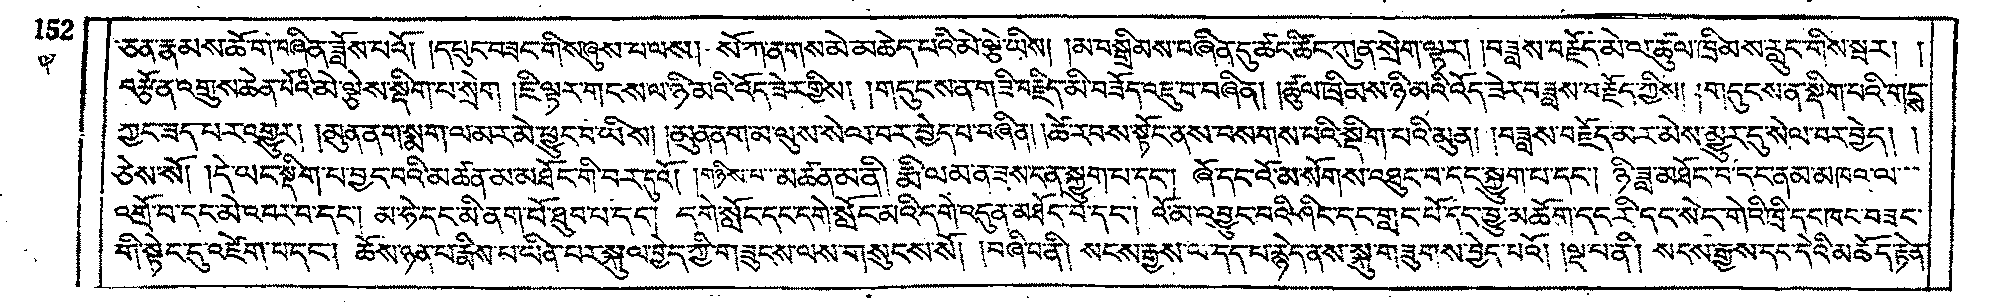ཅན་རྣམས་ཆོ་ག་བཞིན་ཟློས་པའོ། །དཔུང་བཟང་གིས་ཞུས་པ་ལས། སོ་ཀ་ན་གས་མེ་མཆེད་པའི་མེ་ལྕེ་ཡིས། །མ་བསྒྲིམས་བཞིན་དུ་ཚང་ཚིང་ཀུན་སྲེག་ལྟར། །བཟླས་བརྗོད་མེ་ལ་ཚུལ་ཁྲིམས་རླུང་གིས་སྦར། །
བརྩོན་འགྲུས་ཆེན་པོའི་མེ་ལྕེ་སྡིག་པ་སྲེག །ཇི་ལྟར་གངས་ལ་ཉི་མའི་འོད་ཟེར་གྱིས། །གདུངས་ན་གཟི་བརྗིད་མི་བཟོད་འཇུ་བ་བཞིན། །ཚུལ་ཁྲིམས་ཉི་མའི་འོད་ཟེར་བཟླས་པ་རྗོད་ཀྱིས། །གདུངས་ན་སྡིག་པའི་གངས་
ཀྱང་ཟད་པར་འགྱུར། །མུན་ནག་སྨག་ལ་མར་མེ་ཕྱུང་བ་ཡིས། །མུན་ནག་མ་ལུས་སེལ་བར་བྱེད་པ་བཞིན། །ཚེ་རབས་སྟོང་ནས་བསགས་པའི་སྡིག་པའི་མུན། །བཟླས་བརྗོད་མར་མེས་མྱུར་དུ་སེལ་བར་བྱེད། །
ཅེས་སོ། །དེ་ཡང་སྡིག་པ་བྱང་བའི་མཚན་མ་མཐོང་གི་བར་དུའོ། ། གཉིས་པམཚན་མ་ནི། རྨི་ལམ་ན་ཟས་ངན་སྐྱུག་པ་དང་། ཞོ་དང་འོ་མ་སོགས་འཐུང་བ་དང་སྐྱུག་པ་དང་། ཉི་ཟླ་མཐོང་བ་དང་ནམ་མཁའ་ལ་
འགྲོ་བ་དང་མེ་འབར་བ་དང་། མ་ཧེ་དང་མི་ནག་པོ་ཐུབ་པ་དང་། དགེ་སློང་དང་དགེ་སློང་མའི་དགེ་འདུན་མཐོང་བ་དང་། འོ་མ་འབྱུང་བའི་ཤིང་དང་གླང་པོ་དང་ཁྱུ་མཆོག་དང་རི་དང་སེང་གེའི་ཁྲི་དང་ཁང་བཟང་
གི་སྟེང་དུ་འཛེག་པ་དང་། ཆོས་ཉན་པ་རྨིས་པ་ཡིན་པར་སྐུལ་བྱེད་ཀྱི་གཟུངས་ལས་གསུངས་སོ། །བཞི་པ་ནི། སངས་རྒྱས་ལ་དད་པ་རྙེད་ནས་སྐུ་གཟུགས་བྱེད་པའོ། །ལྔ་པ་ནི། སངས་རྒྱས་དང་དེའི་མཆོད་རྟེན་